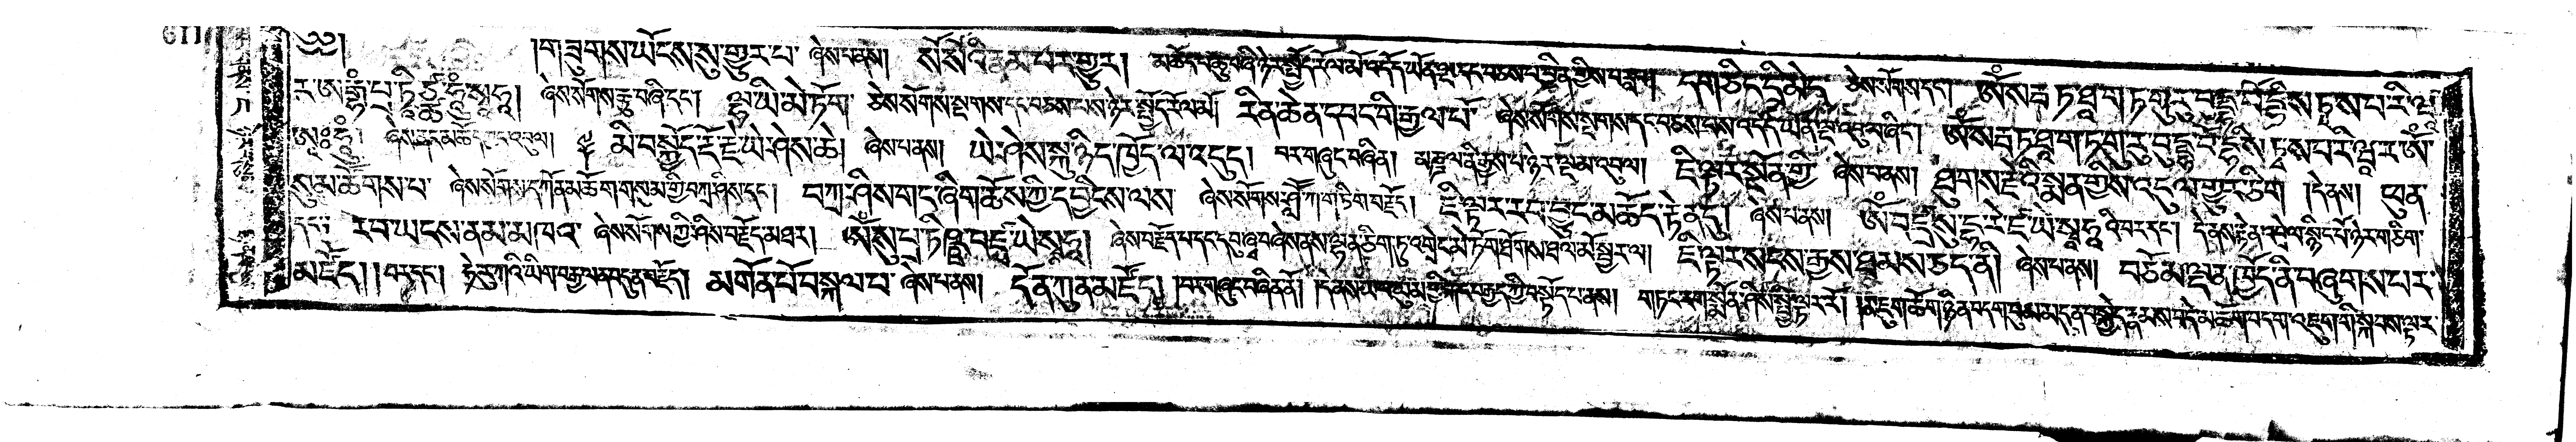༄༅། །གཟུགས་ཡོངས་སུ་གྱུར་པ་ཞེས་པ་ནས།  སོ་སོའི་རྣམ་པར་གྱུར། མཆོད་པ་ཆུ་བཞི་ཉེར་སྤྱོད་རོལ་མོ་འདོད་ཡོན་ལྔ་དག་བཅས་པ་བྱིན་གྱིས་བརླབ།  དག་ཅིང་དྲི་མེད་ཅེས་སོགས་དང་།  ཨོཾ་སརྦ་ཏ་ཐཱ་ག་ཏ་གུ་རུ་བུདྡྷ་བོ་དྷི་སཏྭ་ས་པ་རི་ཝཱ་
ར་ཡརྒྷཾ་པྲ་ཏཱི་ཙྪ་ཧཱུཾ་སྭཱཧཱ། ཞེས་སོགས་ཆུ་བཞི་དང་།  ལྷ་ཡི་མེ་ཏོག་ཅེས་སོགས་སྔགས་དང་བཅས་པས་ཉེར་སྤྱོད་རོལ་མོ།  རིན་ཆེན་དབང་གི་རྒྱལ་པོ་ཞེས་སོགས་སྔགས་དང་བཅས་པས་འདོད་ཡོན་ལྔ་འབུལ་ཞིང་།  ཨོཾ་སརྦ་ཏ་ཐཱ་ག་ཏ་གུ་རུ་བུདྡྷ་བོ་དྷི་སཏྭ་ས་པ་རི་ཝཱ་ར་ཨོཾ་
ཨཱཿཧཱུཾ། ཞེས་ནང་མཆོད་ཀྱང་འབུལ།  འྨི་བསྐྱོད་རྡོ་རྗེ་ཡེ་ཤེས་ཆེ། ཞེས་པ་ནས།  ཡེ་ཤེས་སྐུ་ཉིད་ཁྱོད་ལ་འདུད། བར་གཞུང་བཞིན། མཎྜལ་ནི་རྒྱས་པ་ཉེར་ལྔ་མ་འབུལ།  ཇི་ལྟར་སྔོན་གྱི་ཞེས་པ་ནས།  ཐུགས་རྗེའི་སྨན་གྱིས་འདུལ་གྱུར་ཅིག་།དེ་ནས།  ཕུན་
སུམ་ཚོགས་པ་ཞེས་སོགས་དཀོན་མཆོག་གསུམ་གྱི་བཀྲ་ཤིས་དང་།  བཀྲ་ཤིས་གང་ཞིག་ཆོས་ཀྱི་དབྱིངས་ལས་ཞེས་སོགས་ཤླཽཀ་གཅིག་བརྗོད།  ཇི་ལྟར་རབ་བྱུང་མཆོད་རྟེན་དུ། ཞེས་པ་ནས།  ཨོཾ་བཛྲ་སུ་དྷ་རེ་ཛ་ཡེ་སྭཱཧཱའི་བར་དང་། དེ་ན་རྟེན་འབྲེལ་སྙིང་པོ་ཉེར་གཅིག་
དང༑ རབ་ཡངས་ནམ་མཁའ་ཞེས་སོགས་ཀྱི་ཤིས་བརྗོད་མཐར།  ཨོཾ་པྡྲ?་ཏིཥཊཿཨ་བཛྲ་ཡེ་སྭཱཧཱ། ཞེས་བརྗོད་པ་དང་དབུ་ཞྭ་བཞེ་ནས་ལྷན་ཅིག་ཏུ་འགྲེང་མེ་ཏོག་ཐོགས་ཐལ་མོ་སྦྱར་ལ།  ཇི་ལྟར་སངས་རྒྱས་ཐམས་ཅད་ནི། ཞེས་པ་ནས།  བཅོམ་ལྡན་ཁྱོད་ནི་བཞུགས་པར་
མཛོད། །བར་དང་། ཧེ་རུ་ཀའི་ཡིག་བརྒྱ་ལན་བདུན་བརྗོད།  མགོན་པོ་བསྐལ་པ་ཞེས་པ་ནས།  དོན་ཀུན་མཛོད། །བར་གཞུང་བཞིན་ནོ། །དེ་ནས་ཡབ་ཡུམ་གྱི་རྐང་བརྒྱད་ཀྱི་བསྟོད་པ་ནས། གཏང་རག་སྨིན་ཤིས་སྤྱི་ལྟར་རོ། །མཇུག་ཆོག་ཉིན་བདག་བུམ་མདུན་བསྐྱེད་རྣམས་བདེ་མཆོག་བདག་འཇུག་གི་སྐབས་ལྟར་